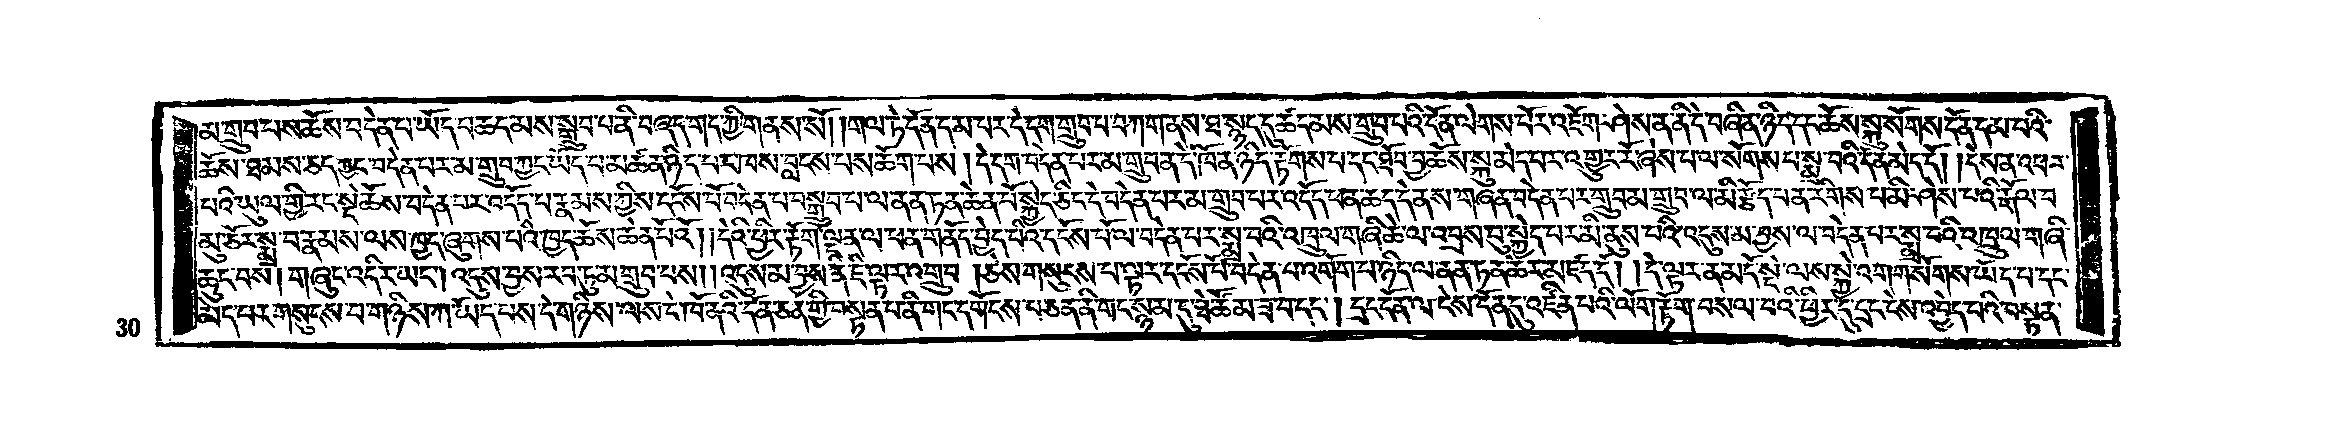མ་གྲུབ་པས་ཆོས་བདེན་པ་ཡོད་པ་ཆད་མས་སྒྲུབ་པ་ནི་བཞད་གད་ཀྱི་གནས་སོ། །གལ་ཏེ་དོན་དམ་པར་དེ་དག་གྲུབ་པ་བཀག་ནས་ཐ་སྙད་དུ་ཚད་མས་གྲུབ་པའི་དོན་ལེགས་པོར་འཇོག་ཤེས་ན་ནི་དེ་བཞིན་ཉིད་དང་ཆོས་སྐུ་སོགས་དོན་དམ་པའི་
ཆོས་ཐམས་ཅད་ཀྱང་བདེན་པར་མ་གྲུབ་ཀྱང་ཡོད་པ་མཚན་ཉིད་པར་ཁས་བླངས་པས་ཆོག་པས། དེ་དག་བདེན་པར་མ་གྲུབ་ན་དེ་ཁོ་ན་ཉིད་རྟོགས་པ་དང་ཐོབ་བྱ་ཆོས་སྐུ་མེད་པར་འགྱུར་རོ་ཞེས་པ་ལ་སོགས་པ་སྨྲ་བའི་དོན་མེད་དོ། །དེས་ན་འཕཌ་
པའི་ཡུལ་གྱི་རང་སྟེ་ཆོས་བདེན་པར་འདོད་པ་རྣམས་ཀྱིས་དངོས་པོ་བདེན་པ་བསྒྲུབ་པ་ལ་ནན་ཏན་ཆེན་པོ་སྐྱེད་ཅིང་དེ་བདེན་པར་མ་གྲུབ་པར་འདོད་ཕན་ཆད་དེ་ནས་གཞན་བདེན་པར་གྲུབ་མ་གྲུབ་ལ་མི་རྩོད་པ་ན་རིགས་པ་མི་ཤེས་པའི་རྒོལ་བ་
མུ་ཅོར་སྨྲ་བ་རྣམས་ལས་ཁྱད་ཞུགས་པའི་ཁྱད་ཆོས་ཆེན་པོའོ། །དེའི་ཕྱིར་རྟོག་ལྡན་ལ་ཕན་གནོད་བྱེད་པའི་དངོས་པོ་ལ་བདེན་པར་སྨྲ་བའི་འཁྲུལ་གཞི་ཆེ་ལ་འབྲས་བུ་སྐྱེད་པར་མི་ནུས་པའི་འདུས་མ་བྱས་ལ་བདེན་པར་སྨྲ་བའི་འཁྲུལ་གཞི་
ཆུང་བས། གཞུང་འདིར་ཡང་། འདུས་བྱས་རབ་ཏུ་མ་གྲུབ་པས། །འདུས་མ་བྱས་ནི་ཇི་ལྟར་འགྲུབ་།ཅེས་གསུངས་པ་ལྟར་དངོས་པོ་བདེན་པ་འགོག་པ་ཉིད་ལ་ནན་ཏན་ཆར་མཛད་དོ། །དེ་ལྟར་ན་མདོ་སྡེ་ལས་སྐྱེ་འགག་སོགས་ཡོད་པ་དང་
མེད་པར་གསུངས་པ་གཉིས་ཀ་ཡོད་པས་དེ་གཉིས་ལས་དེ་ཁོ་ནའི་དོན་ཅན་གྱི་བསྟན་པ་ནི་གང་དགོངས་པ་ཅན་ནི་གང་སྙམ་དུ་ཐེ་ཚོམ་ཟ་བ་དང་། དྲན་དོན་ལ་ངེས་དོན་དུ་འཛིན་པའི་ལོག་རྟོག་བསལ་བའི་ཕྱིར་དུ་དྲང་ངེས་འབྱེད་པའི་བསྟན་